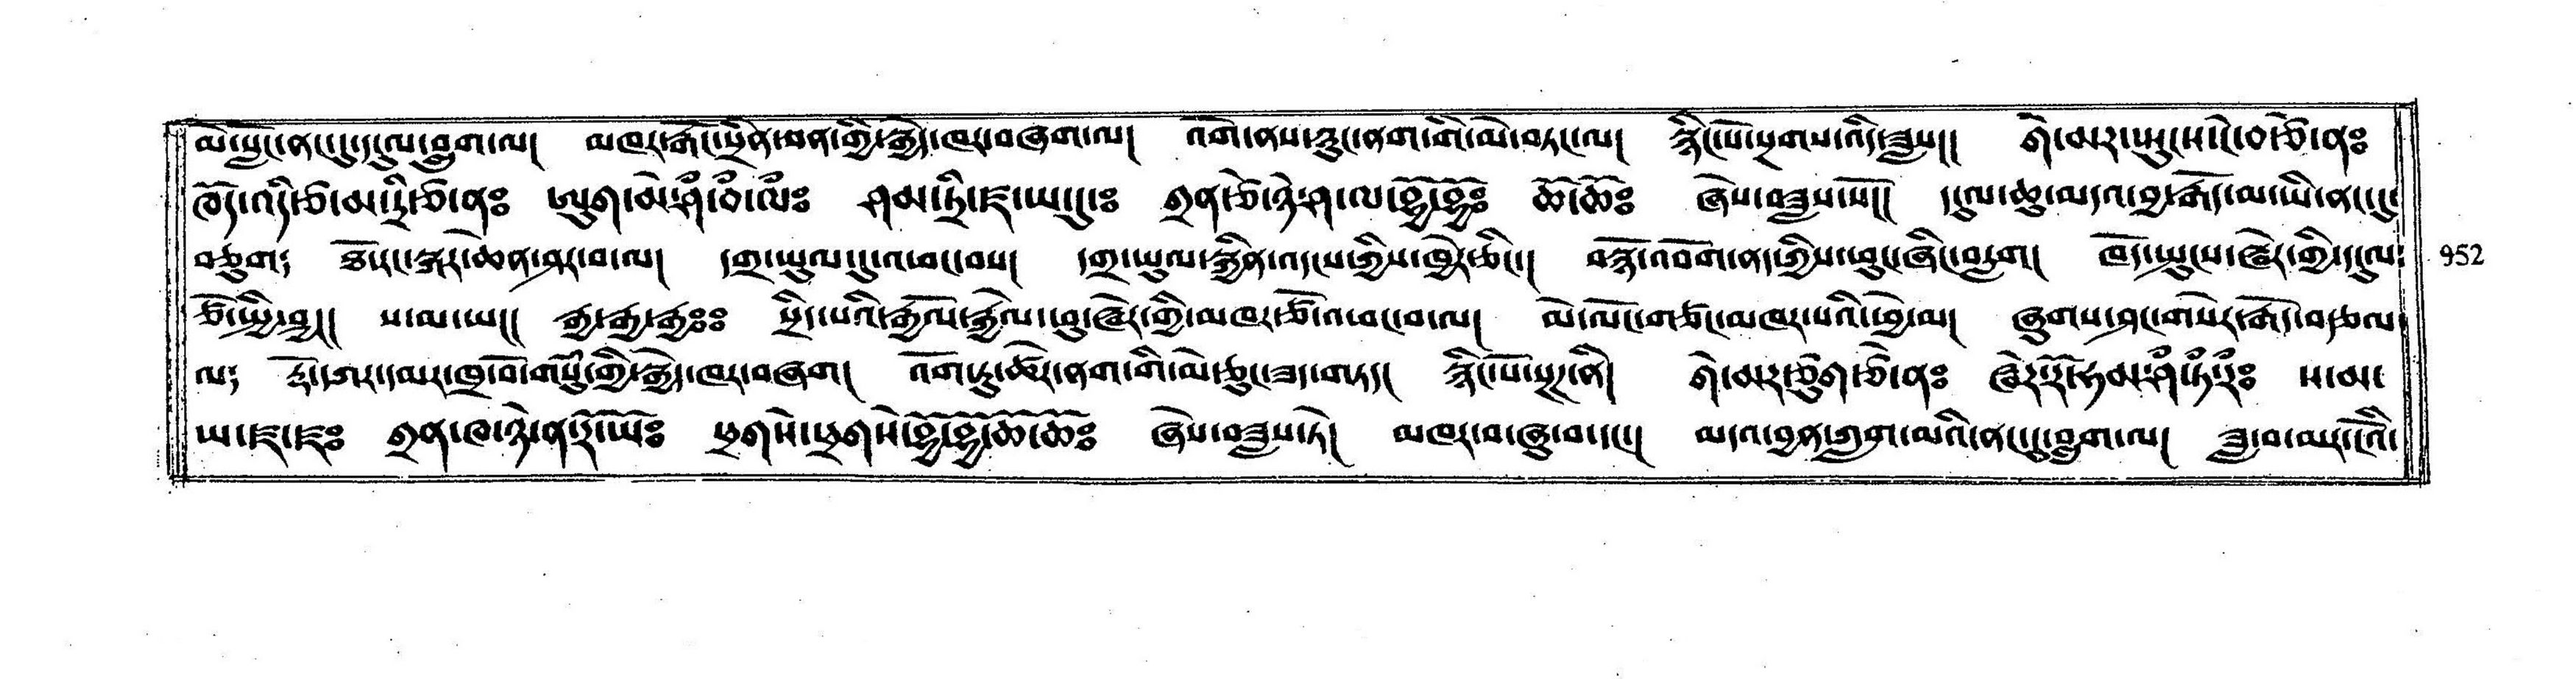མེ་སློང་ནང་དུ་དངུལ་བླུག་ལ། མཁར་རྒོང་སྲིན་ཅན་གྱི་སྒྱེད་ཁར་བཞག་ལ། འོག་ནས་ཉུང་ནག་གི་མེ་བཏང་ལ། སྙིང་པོ་སྔགས་འདི་ཟླས།། གེ་མར་སྤུངས་ངེ་བ་ཙེ་ནཿ 
ཁོད་འདི་ཙ་མ་དྲི་ཙ་ནཿ ཨུག་མེ་ཤཾ་བཾ་ལཾཿ ཤམ་ཏྲི་ཛ་ཡ་དུཿ གྲན་ཙེ་ཉེ་ཤ་ལ་བྷྱོ་བྷྱོཿ ཆོ་ཆོཿ ཞེས་བཟླས་སོ།། དངུལ་ཆུ་མདའ་བྱ་རྒོད་མ་ཡི་ནང་དུ་
བཅུག། ཐོ་རང་སྐར་ཆེན་ཤར་བ་ལ། དགྲ་ཡུལ་དུ་འཕང་བས། དགྲ་ཡུལ་སྐྱིན་འདངས་ཀྱིས་ཁྱེར་ཅིང་། བསྙོ་འབོག་ནད་ཀྱིས་ཕུང་ཞིང་བརླག ཁོད་སྤུངས་ཝེར་གྱི་དངུལ་
ཙོ་སྤྱི་ཤ།། ས་མ་ཡ།། རྒྱ་རྒྱ་རྒྱཿ སྲིད་པའི་རྒྱལ་པོ་རྐྱེལ་ཕུ་ཝེར་གྱི་མཁར་ཙོ་འཕང་བ་ལ། མེ་ལོང་གཙང་མཁར་པའི་ཕྱེ་མ། ཞུགས་ཤང་གསེར་རྒོད་བརྩལ་
ལ། རྡོ་དཀར་དམར་ཁྲ་བོ་གསུམ་གྱི་སྒྱེད་ཁར་བཞག འོག་ཏུ་ཚེར་ནག་གི་མེ་ཅུང་ཟད་གཏད། སྙིང་པོ་སྔགས་ནི། གེ་མར་ཙུག་ཙེ་ནཿ ཝེར་རོ་ཧམ་ཤཾ་ཏཾ་རཾཿ ས་མ་
ཡ་ཛ་ཛཿ གྲན་ཁ་ཉེ་ན་རོ་ཡོཿ ཕྲགསེ་ཕྲགསེ་བྷྱོ་བྷྱོ་ཆོ་ཆོཿ ཞེས་བཟླས་ཏེ། མཁར་བ་ཞུ་བ་དང་། མདའ་བྱན་ཀླག་མའི་ནང་དུ་བླུག་ལ། ཟླ་བ་མར་ངོའི་